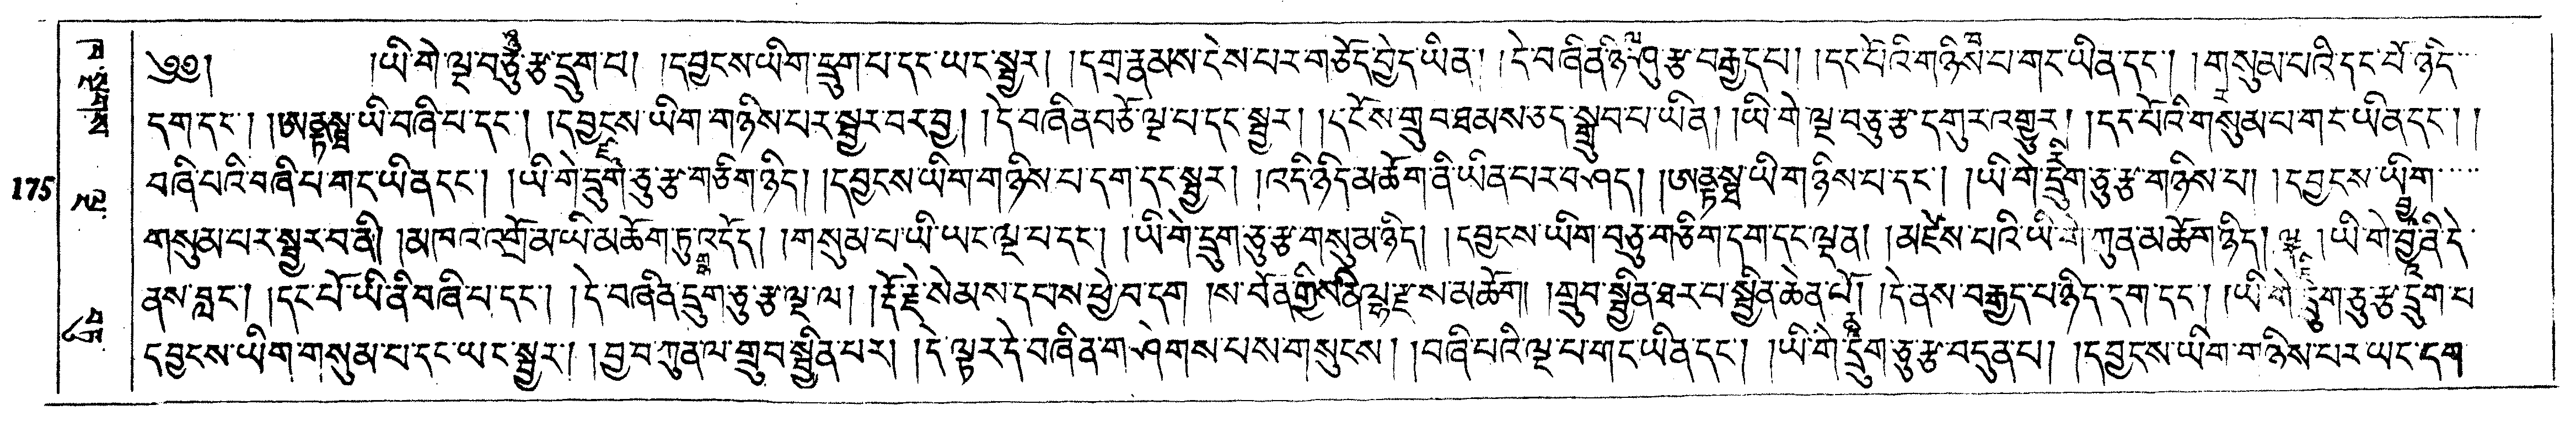༄༅། །ཡི་གེ་ལྔ་བཅུ་ཤཱུ་རྩ་དྲུག་པ། །དབྱངས་ཡིག་དྲུག་པ་དང་ཡང་སྦྱར། །དགྲ་རྣམས་ངེས་པར་གཅོད་བྱེད་ཡིན། །དེ་བཞིན་ཉི་ཤུ་ལ་རྩ་བརྒྱད་པ། །དང་པོའི་གཉིས་ལ་པ་གང་ཡིན་དང་། །གསུམ་པའི་དང་པོ་ཉིད་
དག་དང་། །ཨནྟ་སྠ་ཡི་བཞི་པ་དང་། །དབྱངས་ཡིག་གཉིས་པར་སྦྱར་བར་བྱ། །དེ་བཞིན་བཅོ་ལྔ་པ་དང་སྦྱར། །དངོས་གྲུབ་ཐམས་ཅད་སྒྲུབ་པ་ཡིན། །ཡི་གེ་ལྔ་བཅུ་རྩ་དགྲུ་འགྱུར། །དང་པོའི་ར་གསུམ་པ་གང་ཡིན་དང་། །
བཞི་པའི་བཞི་པ་གང་ཡིན་དང་། །ཡི་གེ་ཛཱ་དྲུག་ཅུ་རྩ་གཅིག་ཉིད། །དབྱངས་ཡིག་གཉིས་པ་དག་དང་སྦྱར། །འདི་ཉིད་མཆོག་ནི་ཡིན་པར་བཤད། །ཨནྟ་སྠ་ཡི་གཉིས་པ་དང་། །ཡི་གེ་རི་དྲུག་ཅུ་རྩ་གཉིས་པ། །དབྱངས་ཡིག་
གསུམ་པར་སྦྱར་བ་ནི། །མཁའ་འགྲོ་མ་ཡི་མཆོག་ཏུ་འདོད། །གསུམ་པ་ཡི་ཡང་ལྔ་པ་དང་། །ཡི་གེ་དྲུག་ཅུ་རྩ་གསུམ་ཉིད། །དབྱངས་ཡིག་བཅུ་གཅིག་དག་དང་ལྡན། །མཛེས་པའི་ཡི་གེ་ཀུན་མཆོག་ཉིད། ༈ །ཡི་གེ་བྱཱ་བྱཱ་ནི་དེ་
ནས་བླང་། །དང་པོ་ཡི་ནི་བཞི་པ་དང་། །དེ་བཞིན་གྷ་དྲུག་ཅུ་རྩ་ལྔ་ལ། །རྡོ་རྗེ་སེམས་དཔས་ཕྱེ་བ་དག །ས་བོན་གྱིས་ནི་ལྷ་རྫས་མཆོག །གྲུབ་སྦྱིན་ཐར་པ་སྦྱིན་ཆེན་པོ། །དེ་ནས་བརྒྱད་པ་ཉིད་དག་དང་། །ཡི་གེ་ཇི་དྲུག་ཅུ་རྩ་དྲུག་པ་
དབྱངས་ཡིག་གསུམ་པ་དང་ཡང་སྦྱར། །བྱ་བ་ཀུན་ལ་གྲུབ་སྦྱིན་པར། །དེ་ལྟར་དེ་བཞིན་གཤེགས་པས་གསུངས། །བཞི་པའི་ལྔ་པ་གང་ཡིན་དང་། །ཡི་གེ་ནཱ་དྲུག་ཅུ་རྩ་བདུན་པ། །དབྱངས་ཡིག་གཉིས་པར་ཡང་དག་